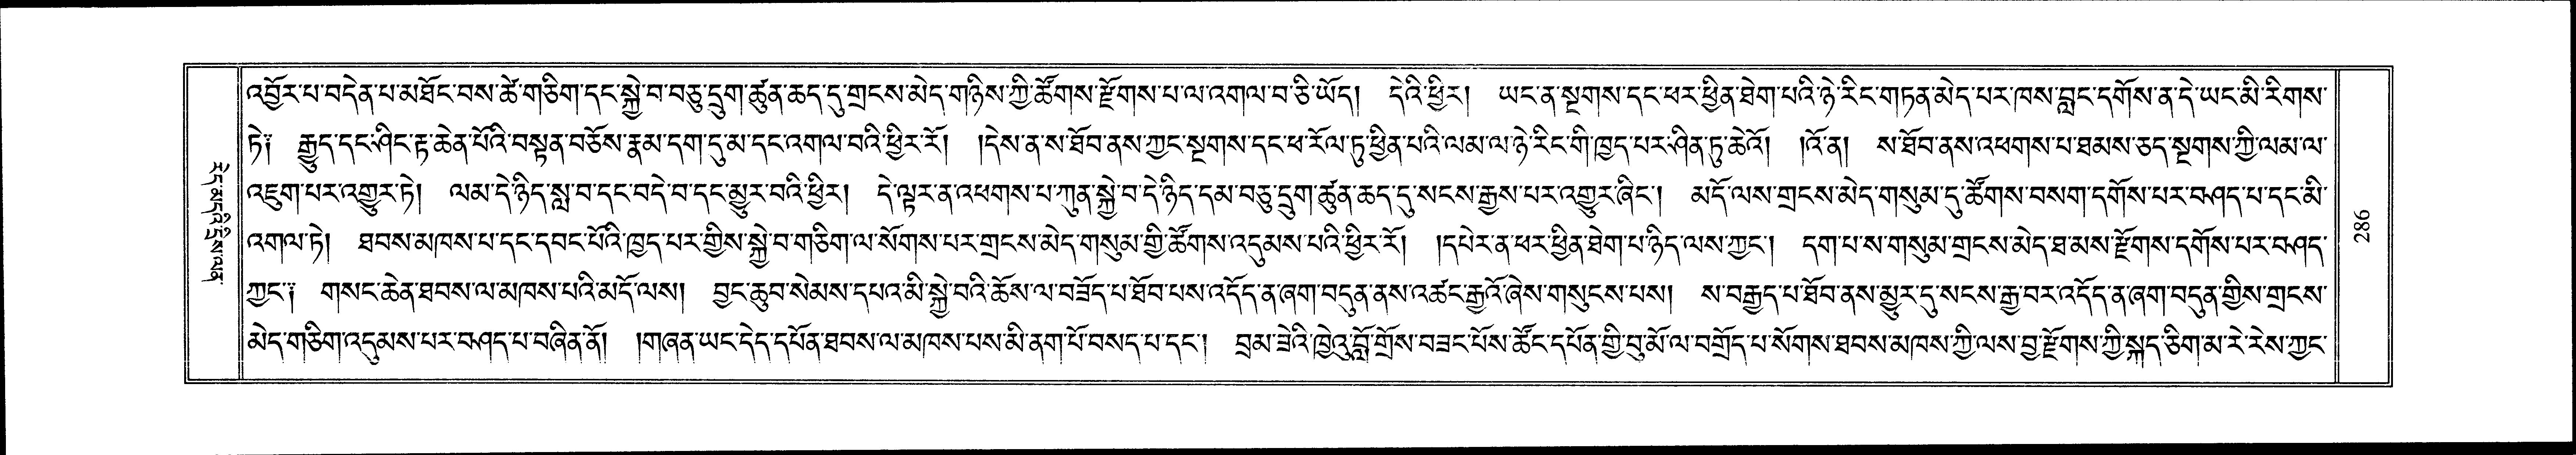འབྱོར་པ་བདེན་པ་མཐོང་བས་ཚེ་གཅིག་དང་སྐྱེ་བ་བཅུ་དྲུག་ཚུན་ཆད་དུ་གྲངས་མེད་གཉིས་ཀྱི་ཚོགས་རྫོགས་པ་ལ་འགལ་བ་ཅི་ཡོད། དེའི་ཕྱིར། ཡང་ན་སྔགས་དང་ཕར་ཕྱིན་ཐེག་པའི་ཉེ་རིང་གཏན་མེད་པར་ཁས་བླང་དགོས་ན་དེ་ཡང་མི་རིགས་
ཏེ། རྒྱུད་དང་ཤིང་རྟ་ཆེན་པོའི་བསྟན་བཅོས་རྣམ་དག་དུ་མ་དང་འགལ་བའི་ཕྱིར་རོ། །དེས་ན་ས་ཐོབ་ནས་ཀྱང་སྔགས་དང་ཕ་རོལ་ཏུ་ཕྱིན་པའི་ལམ་ལ་ཉེ་རིང་གི་ཁྱད་པར་ཤིན་ཏུ་ཆེའོ། །འོ་ན། ས་ཐོབ་ནས་འཕགས་པ་ཐམས་ཅད་སྔགས་ཀྱི་ལམ་ལ་
འཇུག་པར་འགྱུར་ཏེ། ལམ་དེ་ཉིད་སླ་བ་དང་བདེ་བ་དང་མྱུར་བའི་ཕྱིར། དེ་ལྟར་ན་འཕགས་པ་ཀུན་སྐྱེ་བ་དེ་ཉིད་དམ་བཅུ་དྲུག་ཚུན་ཆད་དུ་སངས་རྒྱས་པར་འགྱུར་ཞིང་། མདོ་ལས་གྲངས་མེད་གསུམ་དུ་ཚོགས་བསག་དགོས་པར་བཤད་པ་དང་མི་
འགལ་ཏེ། ཐབས་མཁས་པ་དང་དབང་པོའི་ཁྱད་པར་གྱིས་སྐྱེ་བ་གཅིག་ལ་སོགས་པར་གྲངས་མེད་གསུམ་གྱི་ཚོགས་འདུམས་པའི་ཕྱིར་རོ། །དཔེར་ན་ཕར་ཕྱིན་ཐེག་པ་ཉིད་ལས་ཀྱང་། དག་པ་ས་གསུམ་གྲངས་མེད་ཐ་མས་རྫོགས་དགོས་པར་བཤད་
ཀྱང་། གསང་ཆེན་ཐབས་ལ་མཁས་པའི་མདོ་ལས། བྱང་ཆུབ་སེམས་དཔའ་མི་སྐྱེ་བའི་ཆོས་ལ་བཟོད་པ་ཐོབ་པས་འདོད་ན་ཞག་བདུན་ནས་འཚང་རྒྱའོ་ཞེས་གསུངས་པས། ས་བརྒྱད་པ་ཐོབ་ནས་མྱུར་དུ་སངས་རྒྱ་བར་འདོད་ན་ཞག་བདུན་གྱིས་གྲངས་
མེད་གཅིག་འདུམས་པར་བཤད་པ་བཞིན་ནོ། །གཞན་ཡང་དེད་དཔོན་ཐབས་ལ་མཁས་པས་མི་ནག་པོ་བསད་པ་དང་། བྲམ་ཟེའི་ཁྱེའུ་བློ་གྲོས་བཟང་པོས་ཚོང་དཔོན་གྱི་བུ་མོ་ལ་བགྲོད་པ་སོགས་ཐབས་མཁས་ཀྱི་ལས་བྱ་རྫོགས་ཀྱི་སྐད་ཅིག་མ་རེ་རེས་ཀྱང་